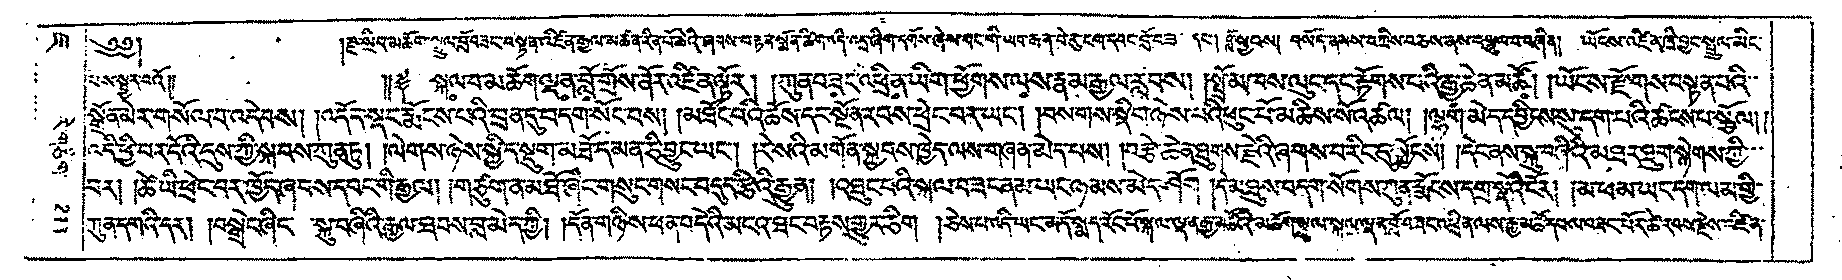༄༅། །རྫ་སྲིབ་མཆོག་སྤྲུལ་བློ་བཟང་བསྟན་འཛིན་རྒྱལ་མཚན་རིན་པོ་ཆེའི་ཞབས་བརྟན་སྨོན་ཚིག་འདི་འདྲ་ཞིག་དགོས་ཞེས་གང་གི་ཡབ་རྒན་བེ་རུ་ངག་དབང་བློ་བཟང་དང་། བློ་སྐྱབས། བསོད་ནམས་བཀྲིས་བཅས་ནས་བསྐུལ་བ་བཞིན། ཡོངས་འཛིན་ཁྲི་བྱང་སྤྲུལ་མིང་
པས་སྦྱར་བའོ།། །། ༈ སྐལ྾་པ་མཆོག་ལྡན྾་བློ྾་གྲོས་ནོར་འཛིན་ལྟོར། །ཀུན་བཟང྾་འཕྲིན྾་ཡིག་ཕྱོགས་ལས྾་རྣམ་རྒྱལ་རླབས། །སྤྲོ་མཁས་ལུང་དང་རྟོགས་པའི་རྒྱ་ཆེན་མཚོ྾། །ཡོངས་རྫོགས་བསྟན་པའི་
སྒྲོན་མེར་གསོལ་བ་འདེབས། །འདོད་སྡང་རྨོངས་པའི་བྲན་དུ་བདག་སོང་བས། །མཐོང་བའི་ཆོས་དང་སྔོན་རབས་ཕྲེང་བར་ཡང་། །བསགས་སྡིག་ཉེས་པའི་ཕུང་པོ་མཆིས་སོ་འཚལ། །ལྷག་མེད་དབྱིངས་སུ་དག་པའི་ཚངས་པ་སྩོལ།།
འདི་ཕྱི་བར་དོའི་དུས་ཀྱི་སྐབས་ཀུན་ཏུ། །ལེགས་ཉེས་སྐྱིད་སྡུག་མཐོ་དམན་ཅི་བྱུང་ཡང་། །རེ་སའི་མགོན་སྐྱབས་ཁྱེད་ལས་གཞན་མེད་པས། །བརྩེ་ཆེན་ཐུགས་རྗེའི་ཞགས་པ་རིང་དུ་སྐྱོངས། །དེང་ནས་སྐུ་བཞིའི་མཐར་ཐུག་སྙེགས་ཀྱི་
བར། །ཚེ་ཡི་ཕྲེང་བར་ཁྱོད་ཞབས་དབང་གི་རྒྱལ། །གཙུག་ན་མཐོ་ཞིང་གསུང་གསང་བདུད་རྩིའི་རྒྱུན། །འཐུང་བའི་སྐལ་བཟང་ནམ་ཡང་ཉམས་མེད་ཤོག །དེ་མཐུས་བདག་སོགས་ཀུན་རྨོངས་དགྲ་སྡེའི་ངོར། །མ་ཕམ་ཡང་དག་ལམ་གྱི་
ཀུན་དགའི་དར། །བསྒྲེང་ཞིང་སྐུ་བཞིའི་རྒྱལ་ཐབས་བླ་མེད་ཀྱི། །དོན་གཉིས་ཕན་བདེའི་མངའ་ཐང་བརྟགས་གྱུར་ཅིག །ཅེས་པ་འདི་ཡང་མདོ་སྨད་རོང་པོ་སྐལ་ལྡན་རྒྱ་མཚོའི་མཆོག་སྤྲུལ་སྐལ་ལྡན་བློ་བཟང་འཕྲིན་ལས་རྒྱ་མཚོ་དཔལ་བཟང་པོར་ཚེ་རབས་རྗེས་འཛིན་